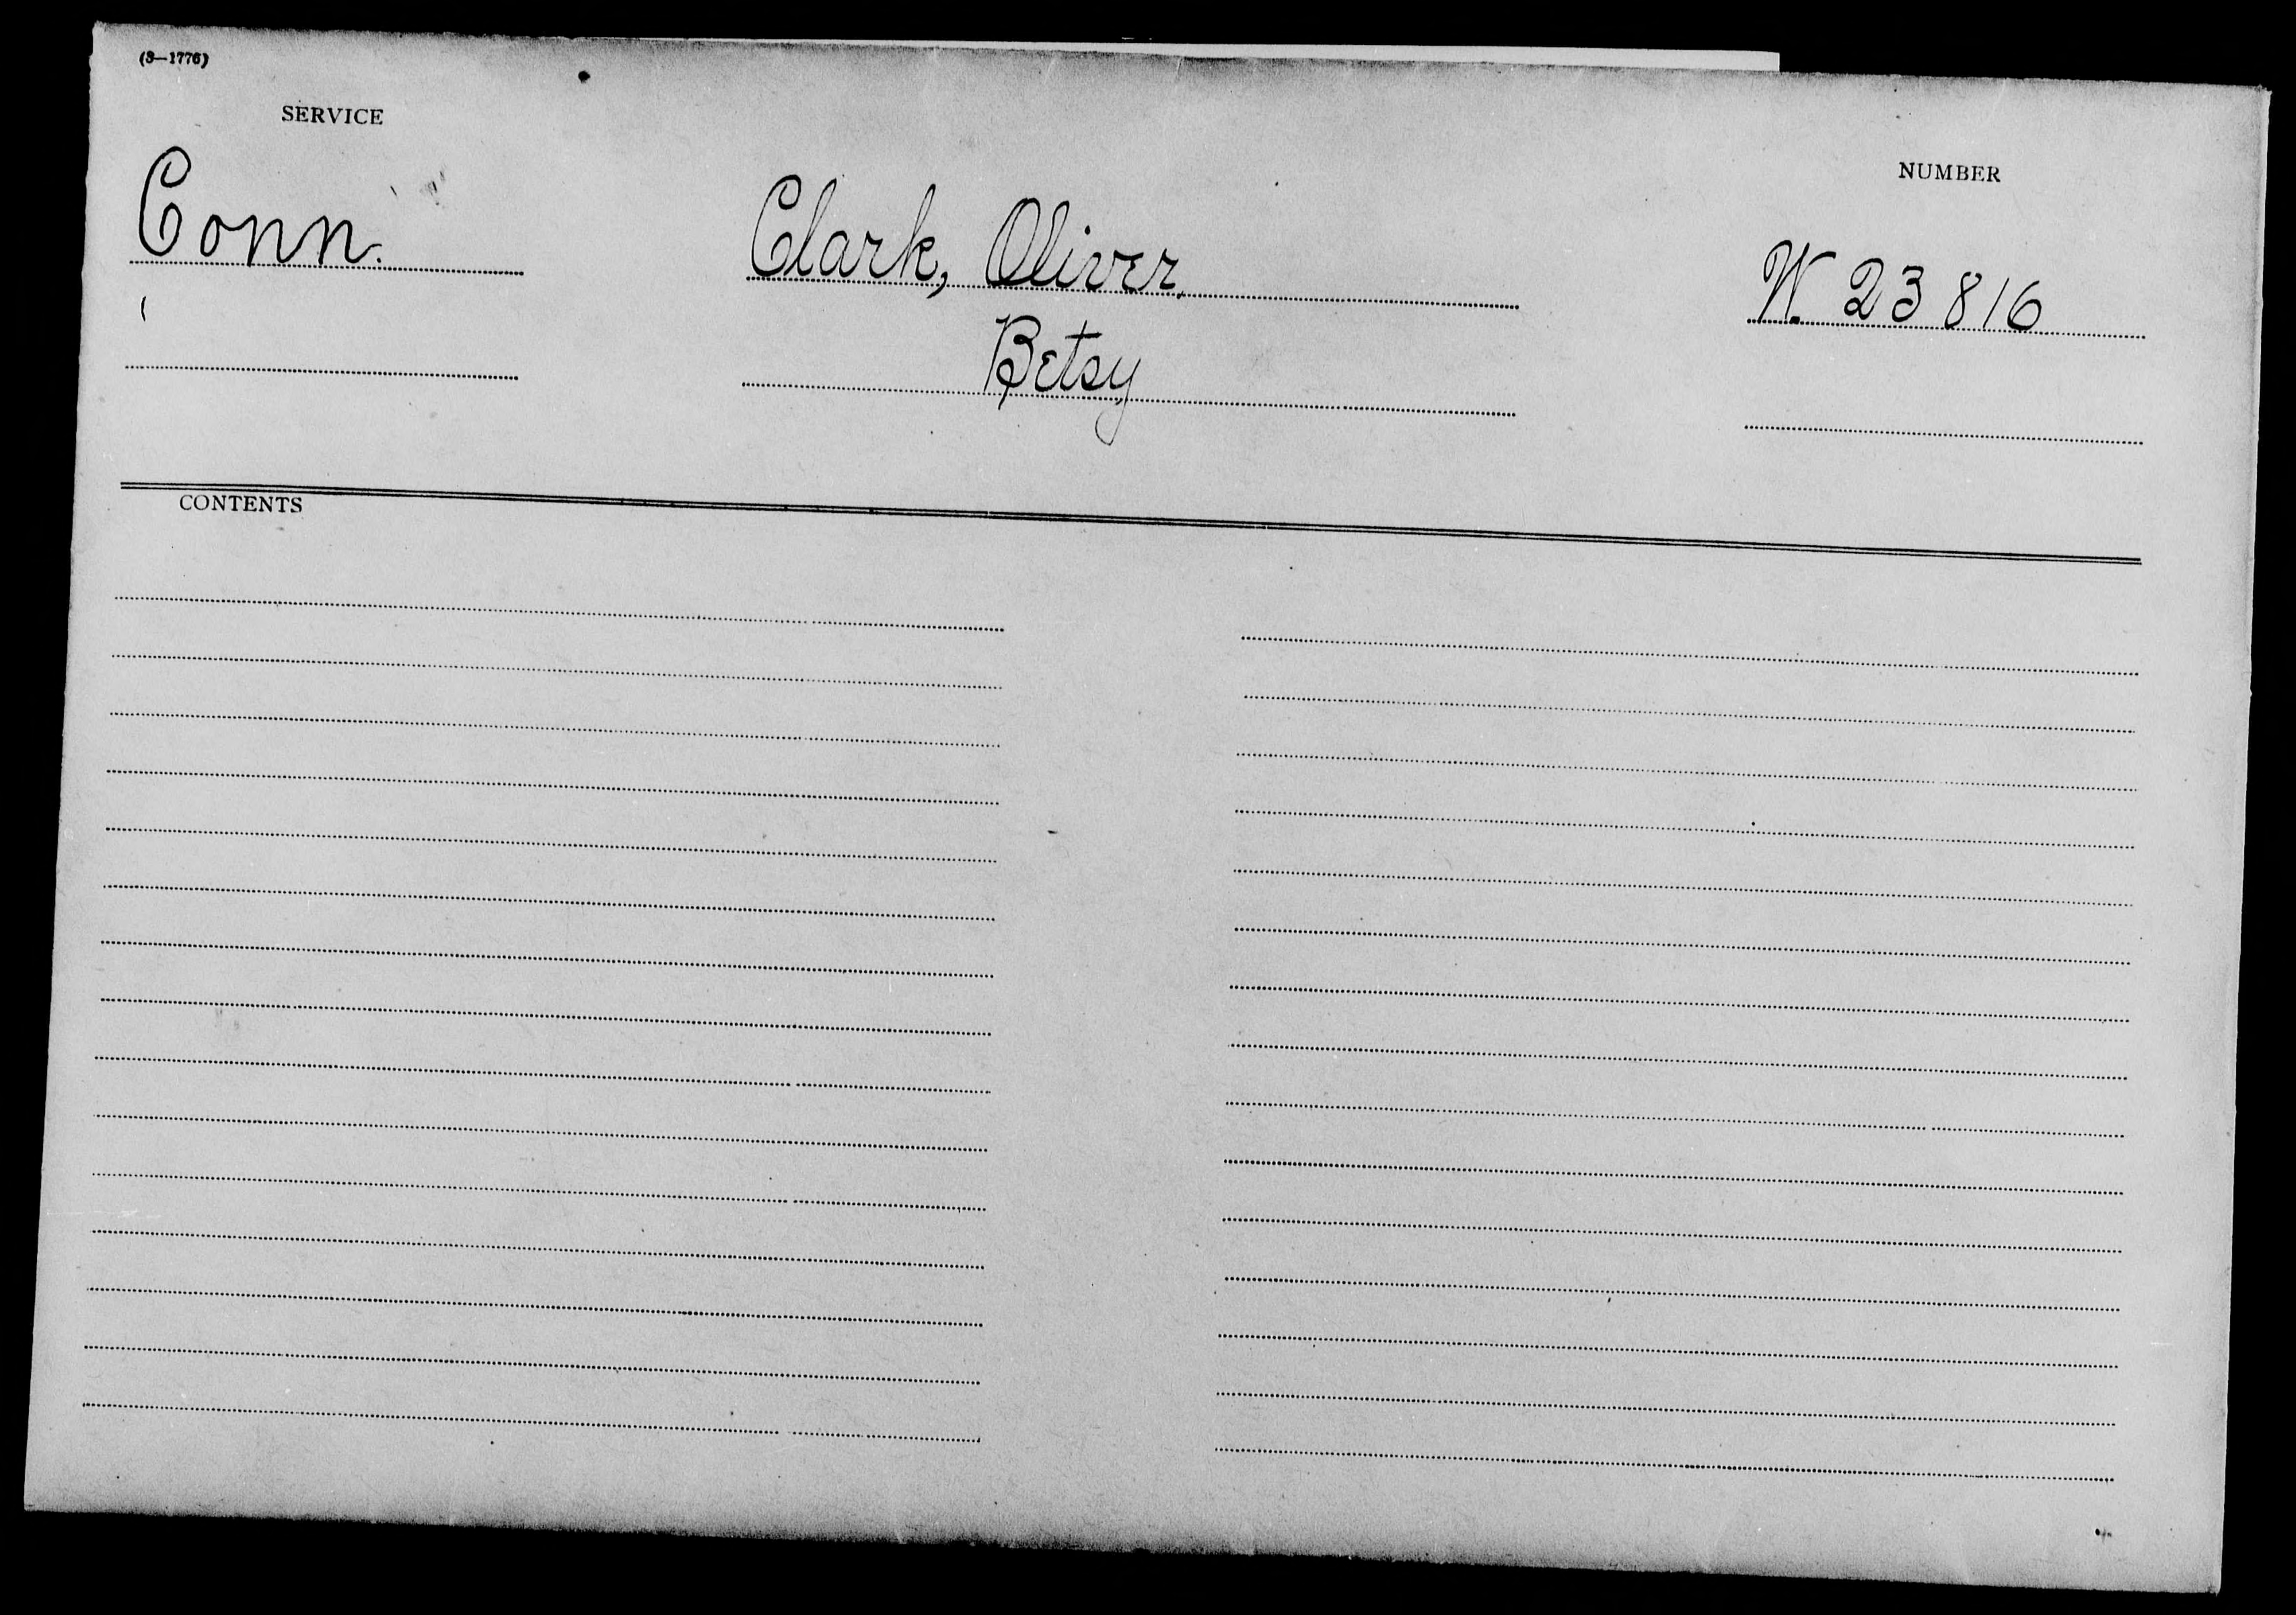3-1776
Service
Conn.
Clark, Oliver.
Betsy
Number W. 23816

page: 1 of 51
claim: widow's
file: W. 23816, Oliver Clark, Conn.